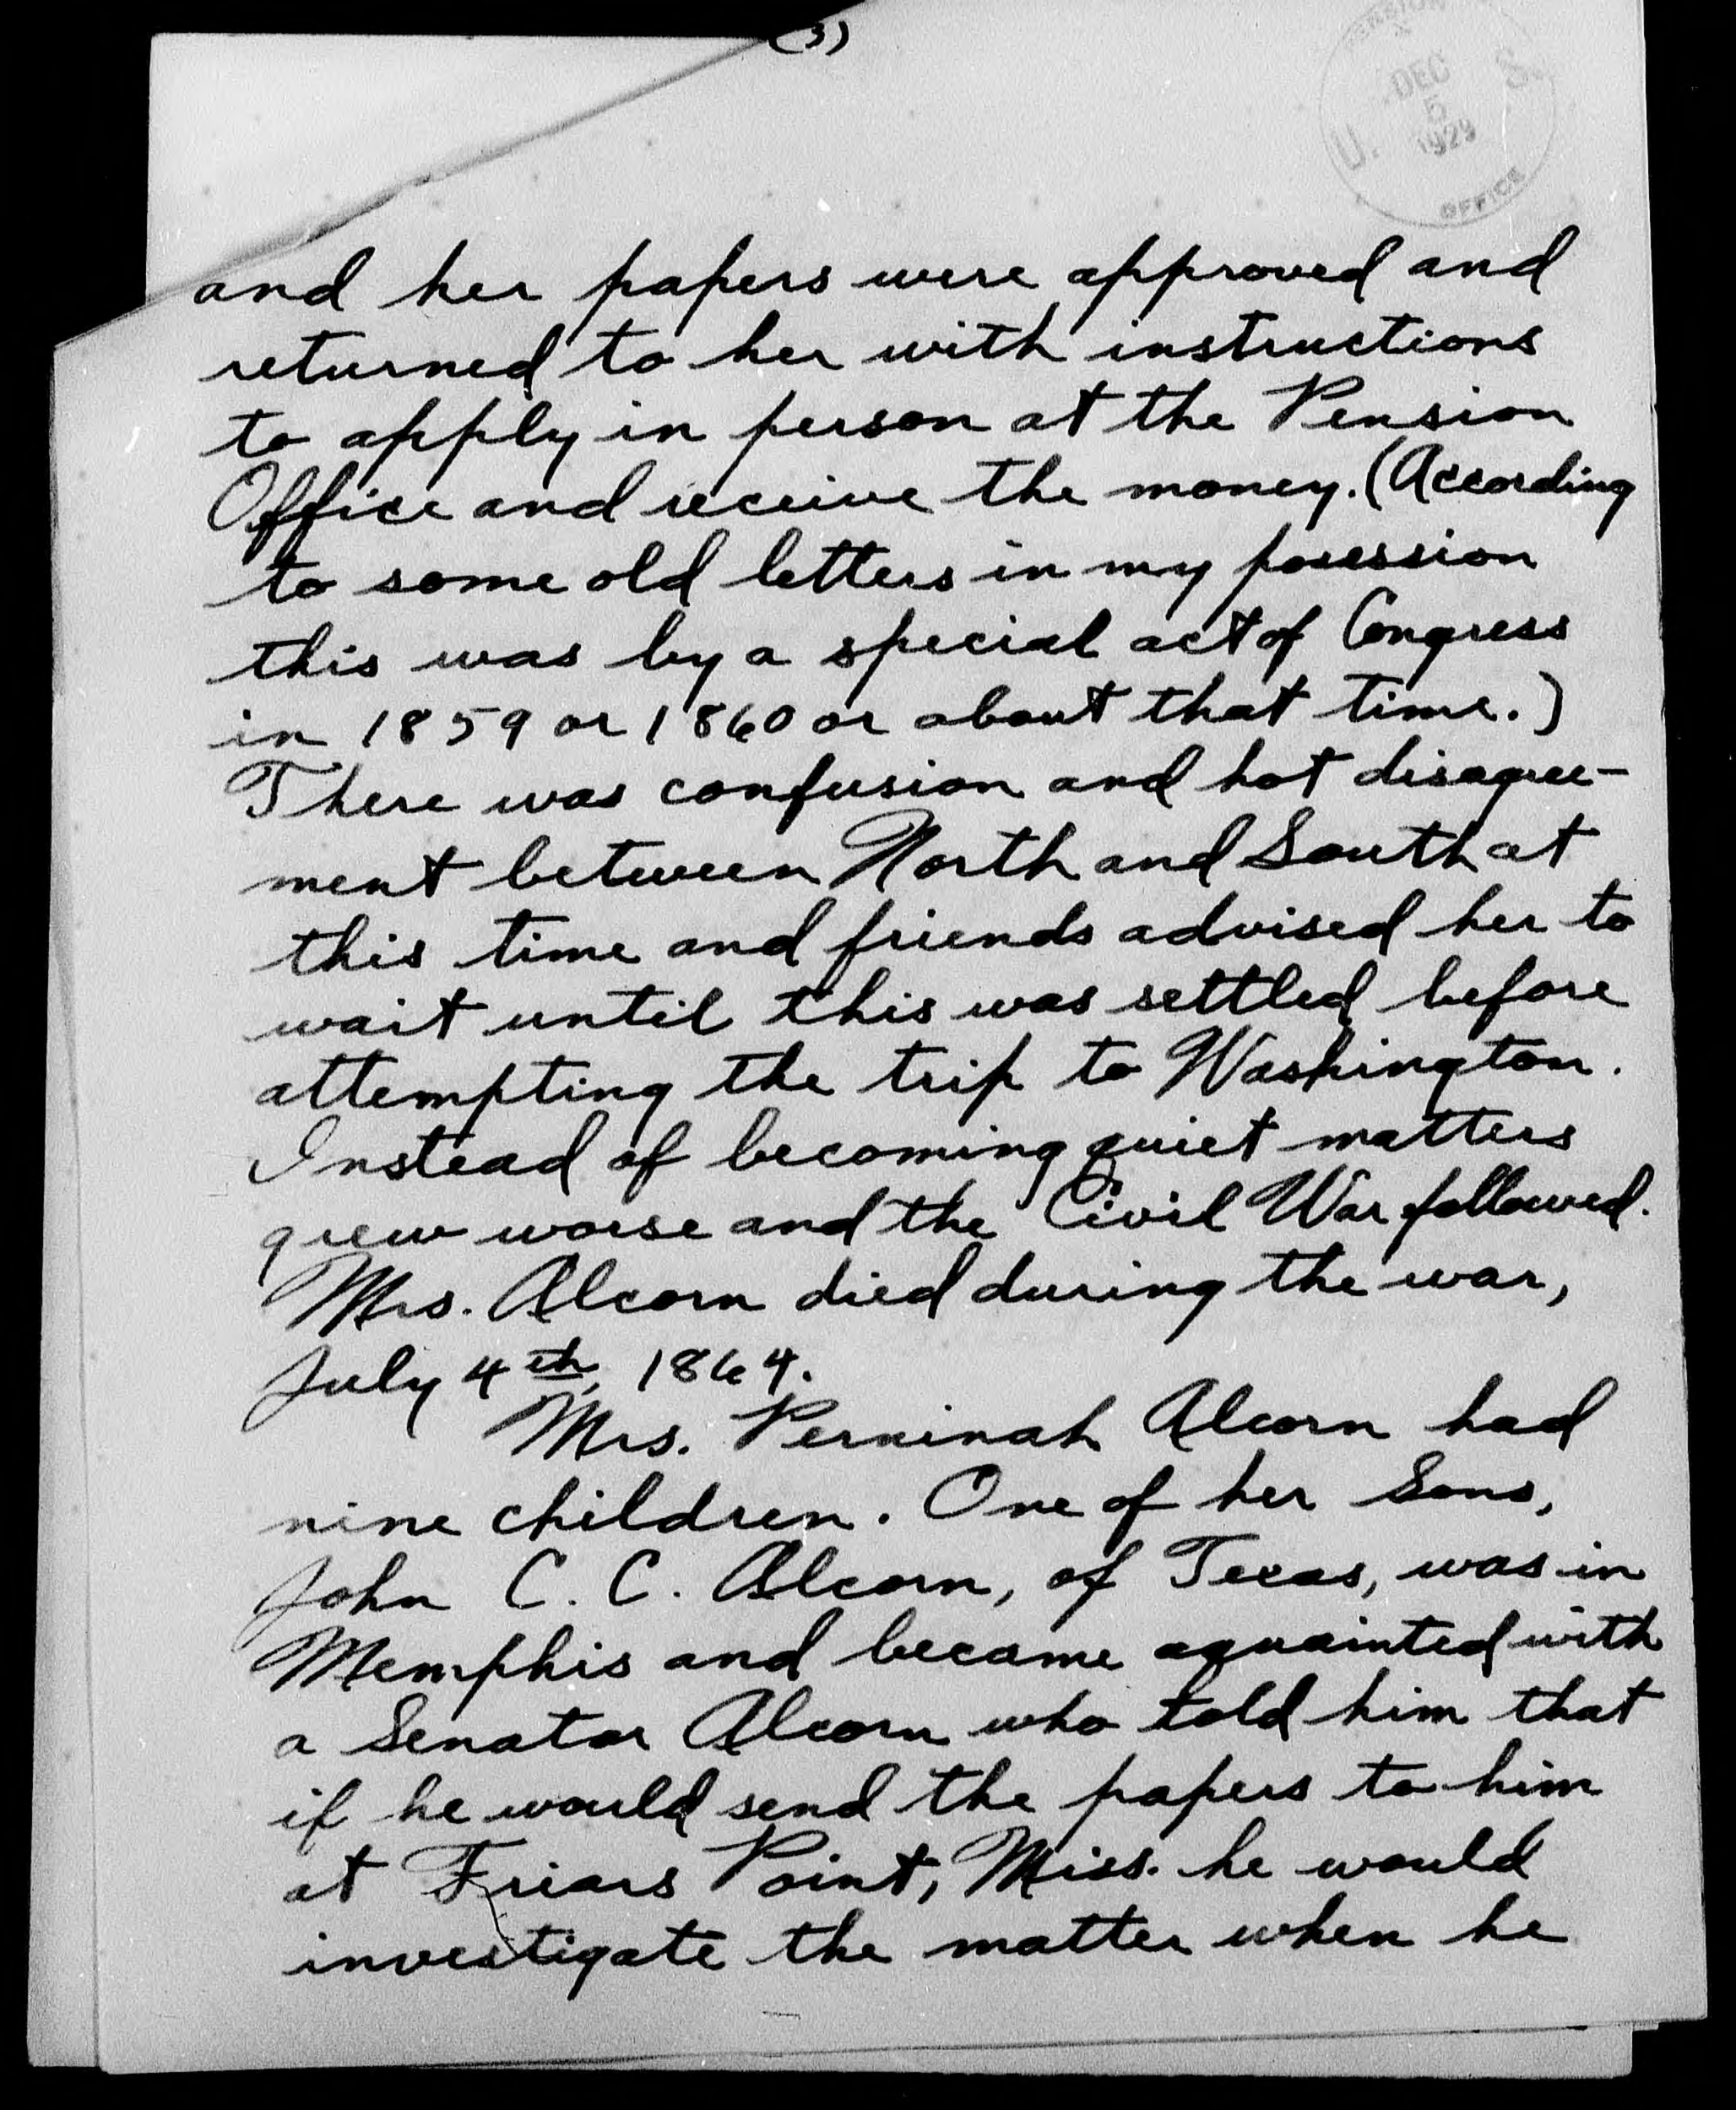and her papers were approved and returned to her with instructions to apply in person at the Pension Office and receive the money. (According to some old letters in my possession this was by a special act of Congress in 1859 or 1860 about that time.) There was confusion and [illegible] disagree-meant between North and South at this time and friends advised her to wait until this was settled before attempting the trip to Washington. Instead of becoming a quiet matters grew worse and the Civil War followed. Mrs. Alcorn died during the war, July 4, 1864,
Mrs. Perninah Alcorn had nine children.  Once of her Sons, John C.C. Alcorn, of Texas was in Memphis and became acquainted with a Senator Alcorn who told him that if he would send the papers to him at Friars Point, Miss he would investigate the matter when he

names: Alcorn, Alcorn, Perninah Alcorn, C C Alcorn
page: 29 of 32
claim: rejected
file: R. 4655, Jesse Harris, N.C.